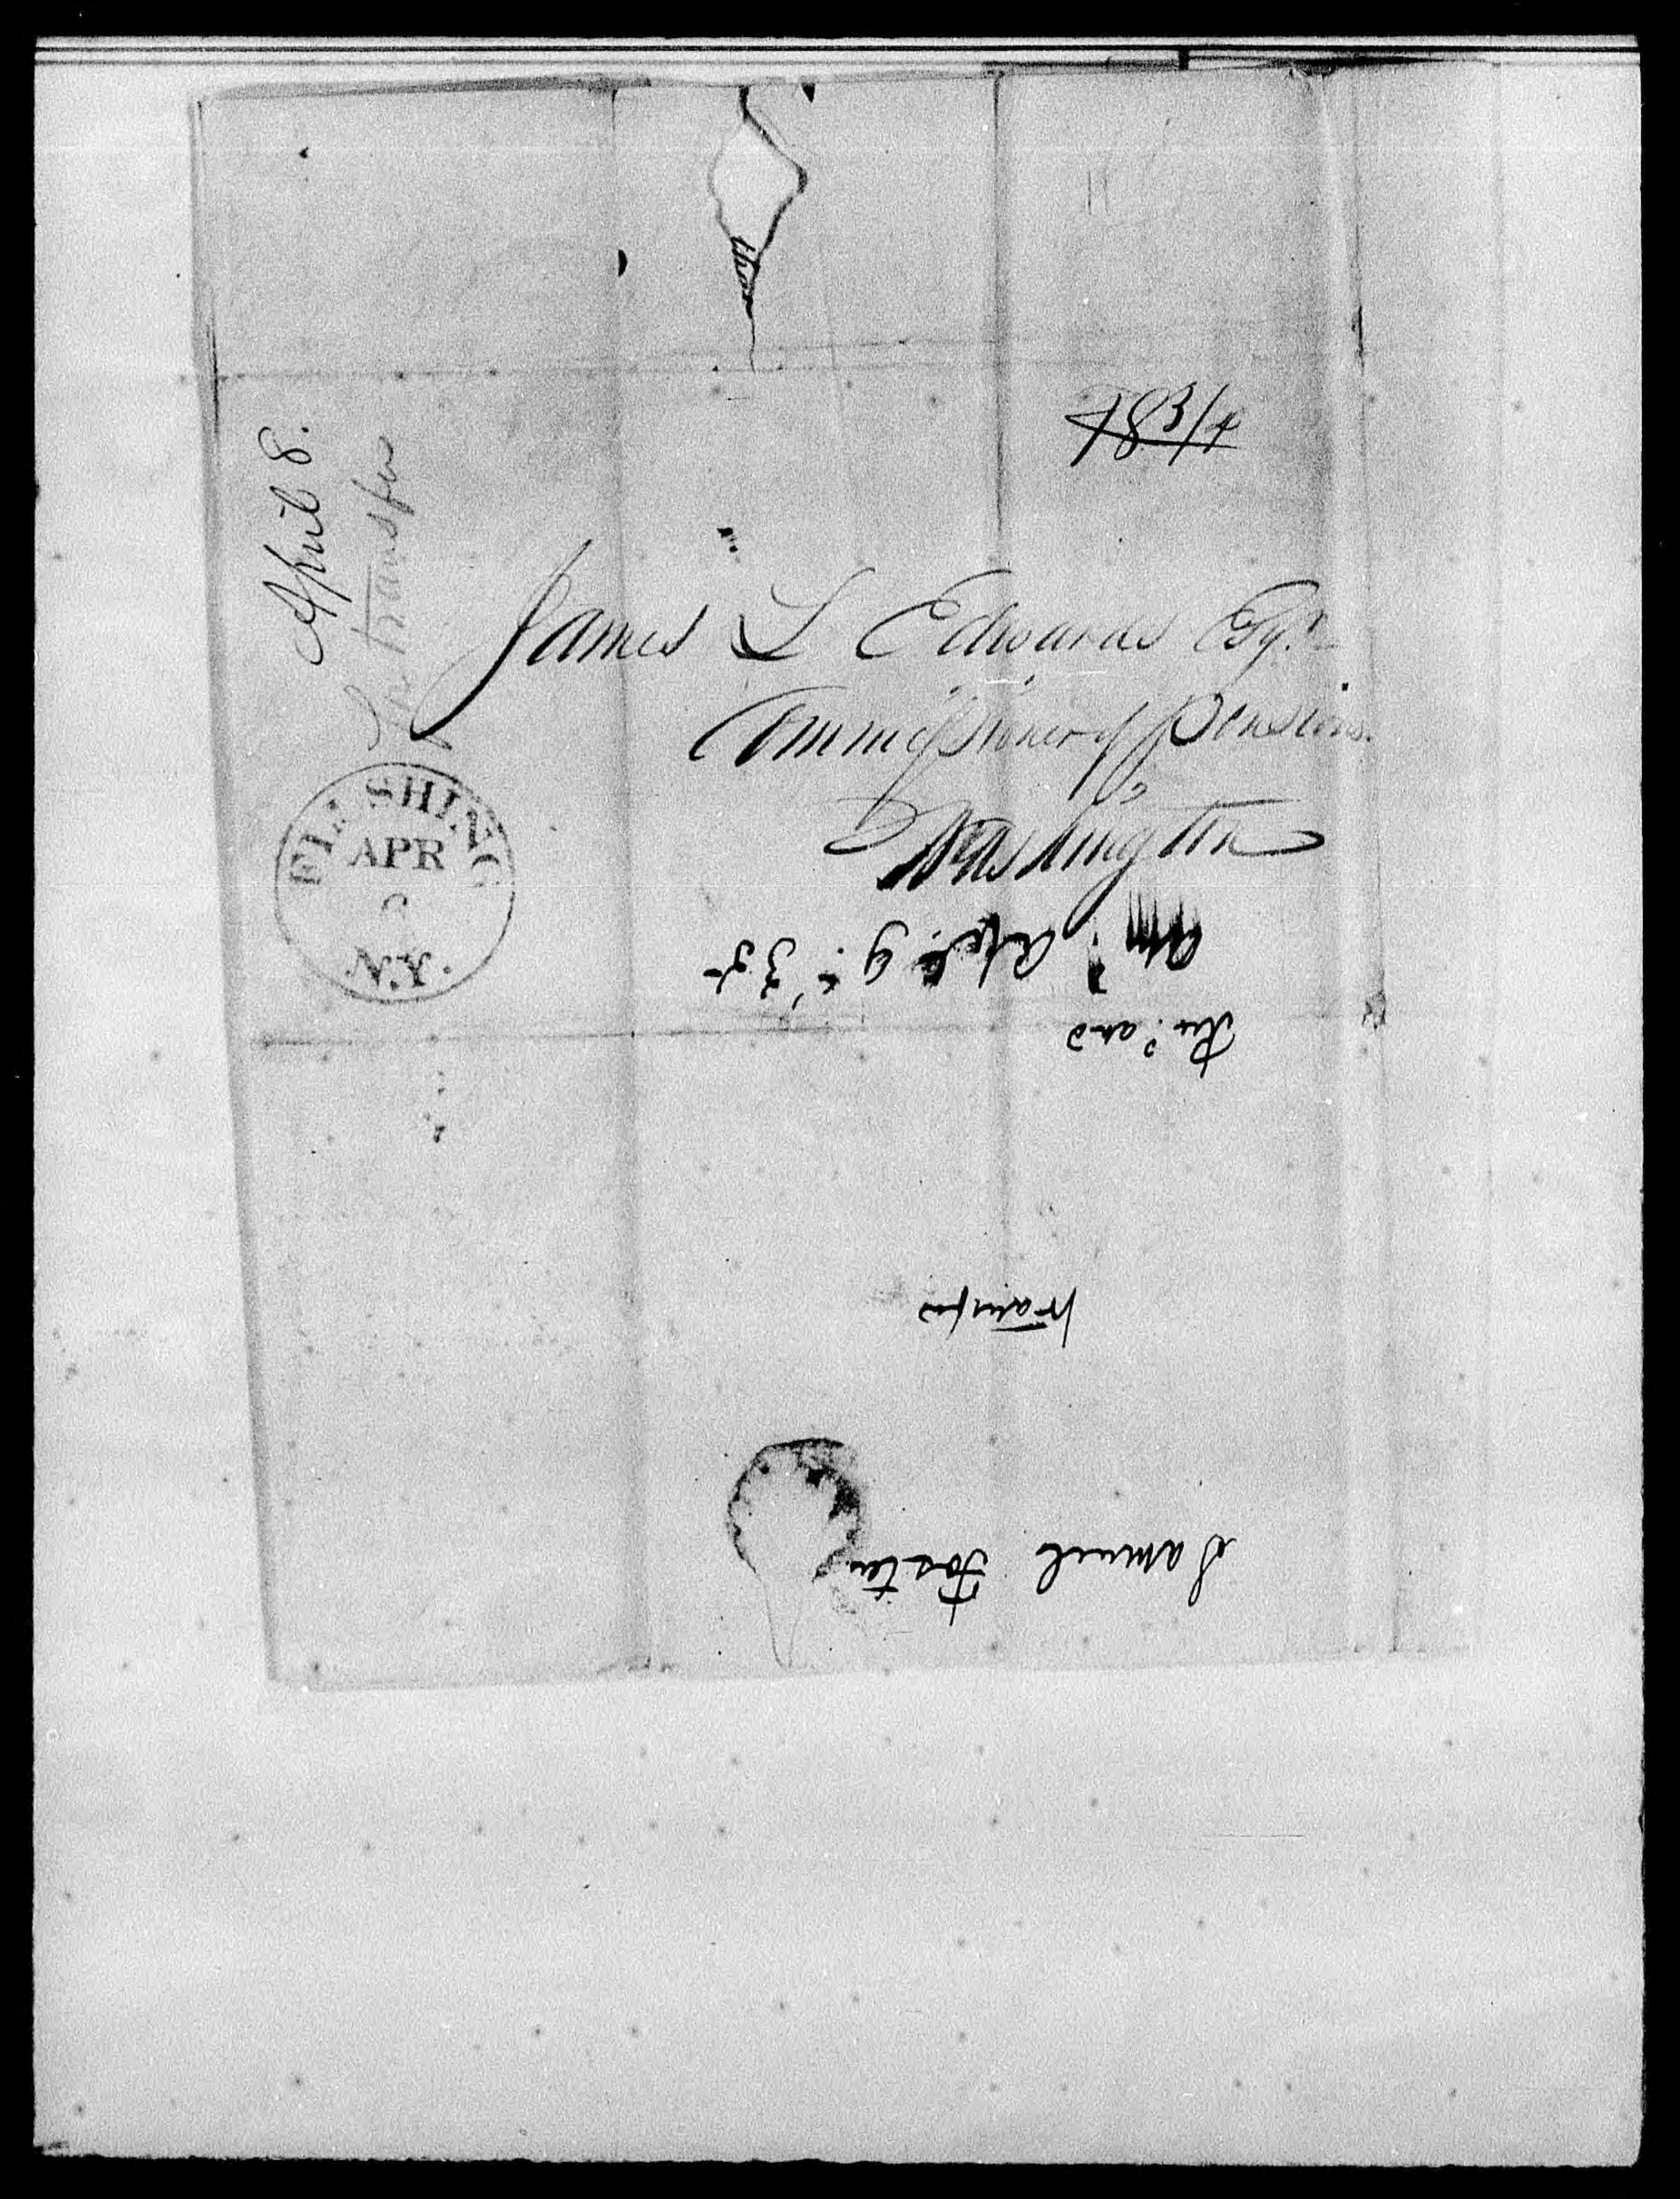18 3/4 [line through all numbers]
James L Edwards Esqr.
Commissioner of pensions
Washington
[written vertically on left margin] April 8. for transfer
[circular seal on left side of page] FLUSHING APR 6 N.Y.
[written upside down on bottom half of page] Samuel Foster
[illegible]
Recd. and [illegible]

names: Samuel Foster, James L Edwards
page: 50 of 54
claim: survivor's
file: S. 13,043, Samuel Foster, Conn.